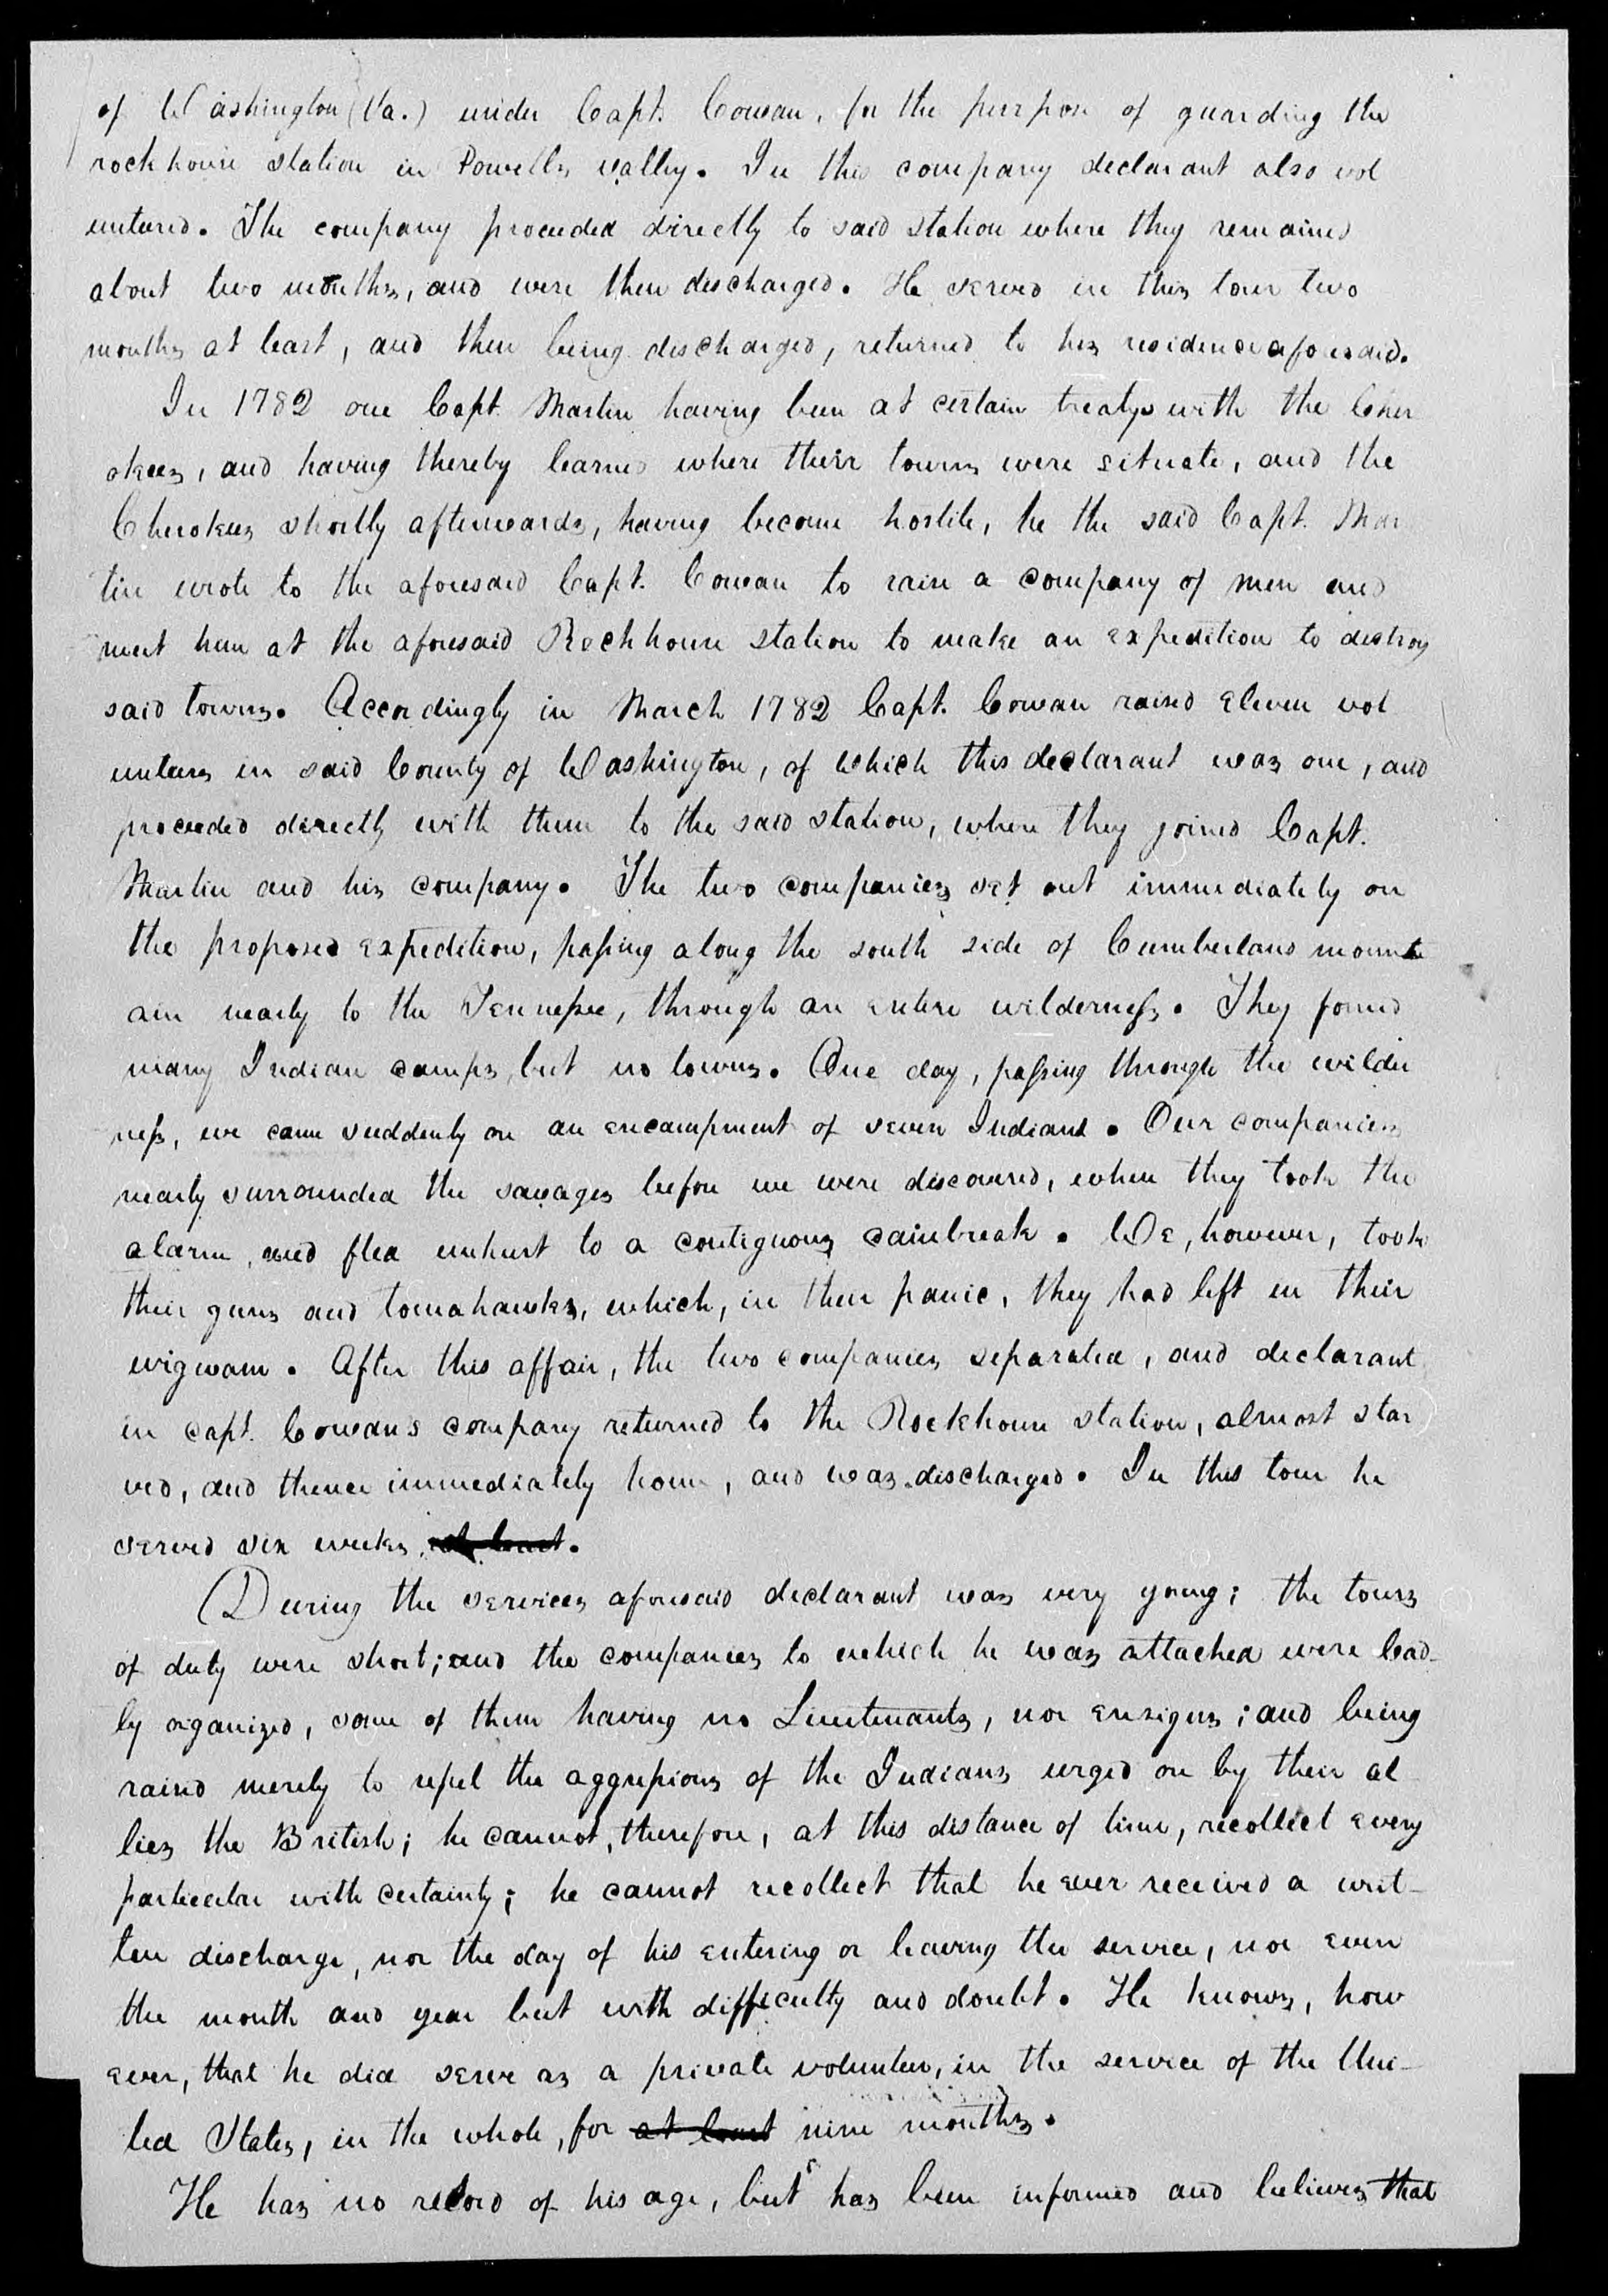of Washington (Va.) under Capt. Cowan, for the purpose of guarding the rockhouse station in Powells Valley. In this company declarant also volunteered. The company proceeded directly to said station where they remained about two months, and were then discharged. He served in this tour two months at least, and then being discharged, returned to his residence aforesaid.
In 1782 one Capt. Martin having been at certain treaty with the Cherokees, and having thereby learned where their towns were situate, and the Cherokees shortly afterwards, having become hostile, he the said Capt. Martin wrote to the aforesaid Capt. Cowan to raise a company of men and meet here at the aforesaid Rockhouse station to make an expedition to distroy said towns. Accordingly in March 1782 Capt. Cowan raised Eleven volunteers in said County of Washington, of which this declarant was one, and proceeded directly with them to the said station, when they joined Capt. Martin and his company. The two companies set out immediately on the proposed expedition, passing along the south side of Cumberland mountain nearly to the Tennessee, through an entire wilderness. They found many Indian camps, but no towns. One day, passing through the wilderness, we came suddenly on an encampment of seven Indians. Our companies nearly surrounded the savages before we were discovered, when they took the alarm, and fled unhurt to a contiguous cainbreak. We, however, took their guns and tomahawks, which, in their panic, they had left in their wigwam. After this affair, the two companies separated, and declarant in Capt. Cowan's Company returned to the Rockhouse station, almost starved, and thence immediately home, and was discharged. In this tour he served six weeks [crossed out: at least].
During the services aforesaid declarant was very young; the tours of duty were short; and the companies to which he was attached were badly organized, some of them having no Lieutenants, nor ensigns; and being raised merely to repel the aggressions of the Indians urged on by their allies the British, he cannot therefore, at this distance of time, recollect every particular with certainty; he cannot recollect that he ever received a written discharge, nor the day of his entering or leaving the service, nor even the month and year but with difficulty and doubt. He knows, however, that he did serve as a private volunteer, in the service of the United States, in the whole, for [crossed out: at least] nine months.
He has no record of his age, but has been informed and believes that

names: [BLANK] Cowan; [BLANK] Martin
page: 49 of 115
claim: survivor's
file: S. 699, for Charles Kilgore, Virginia